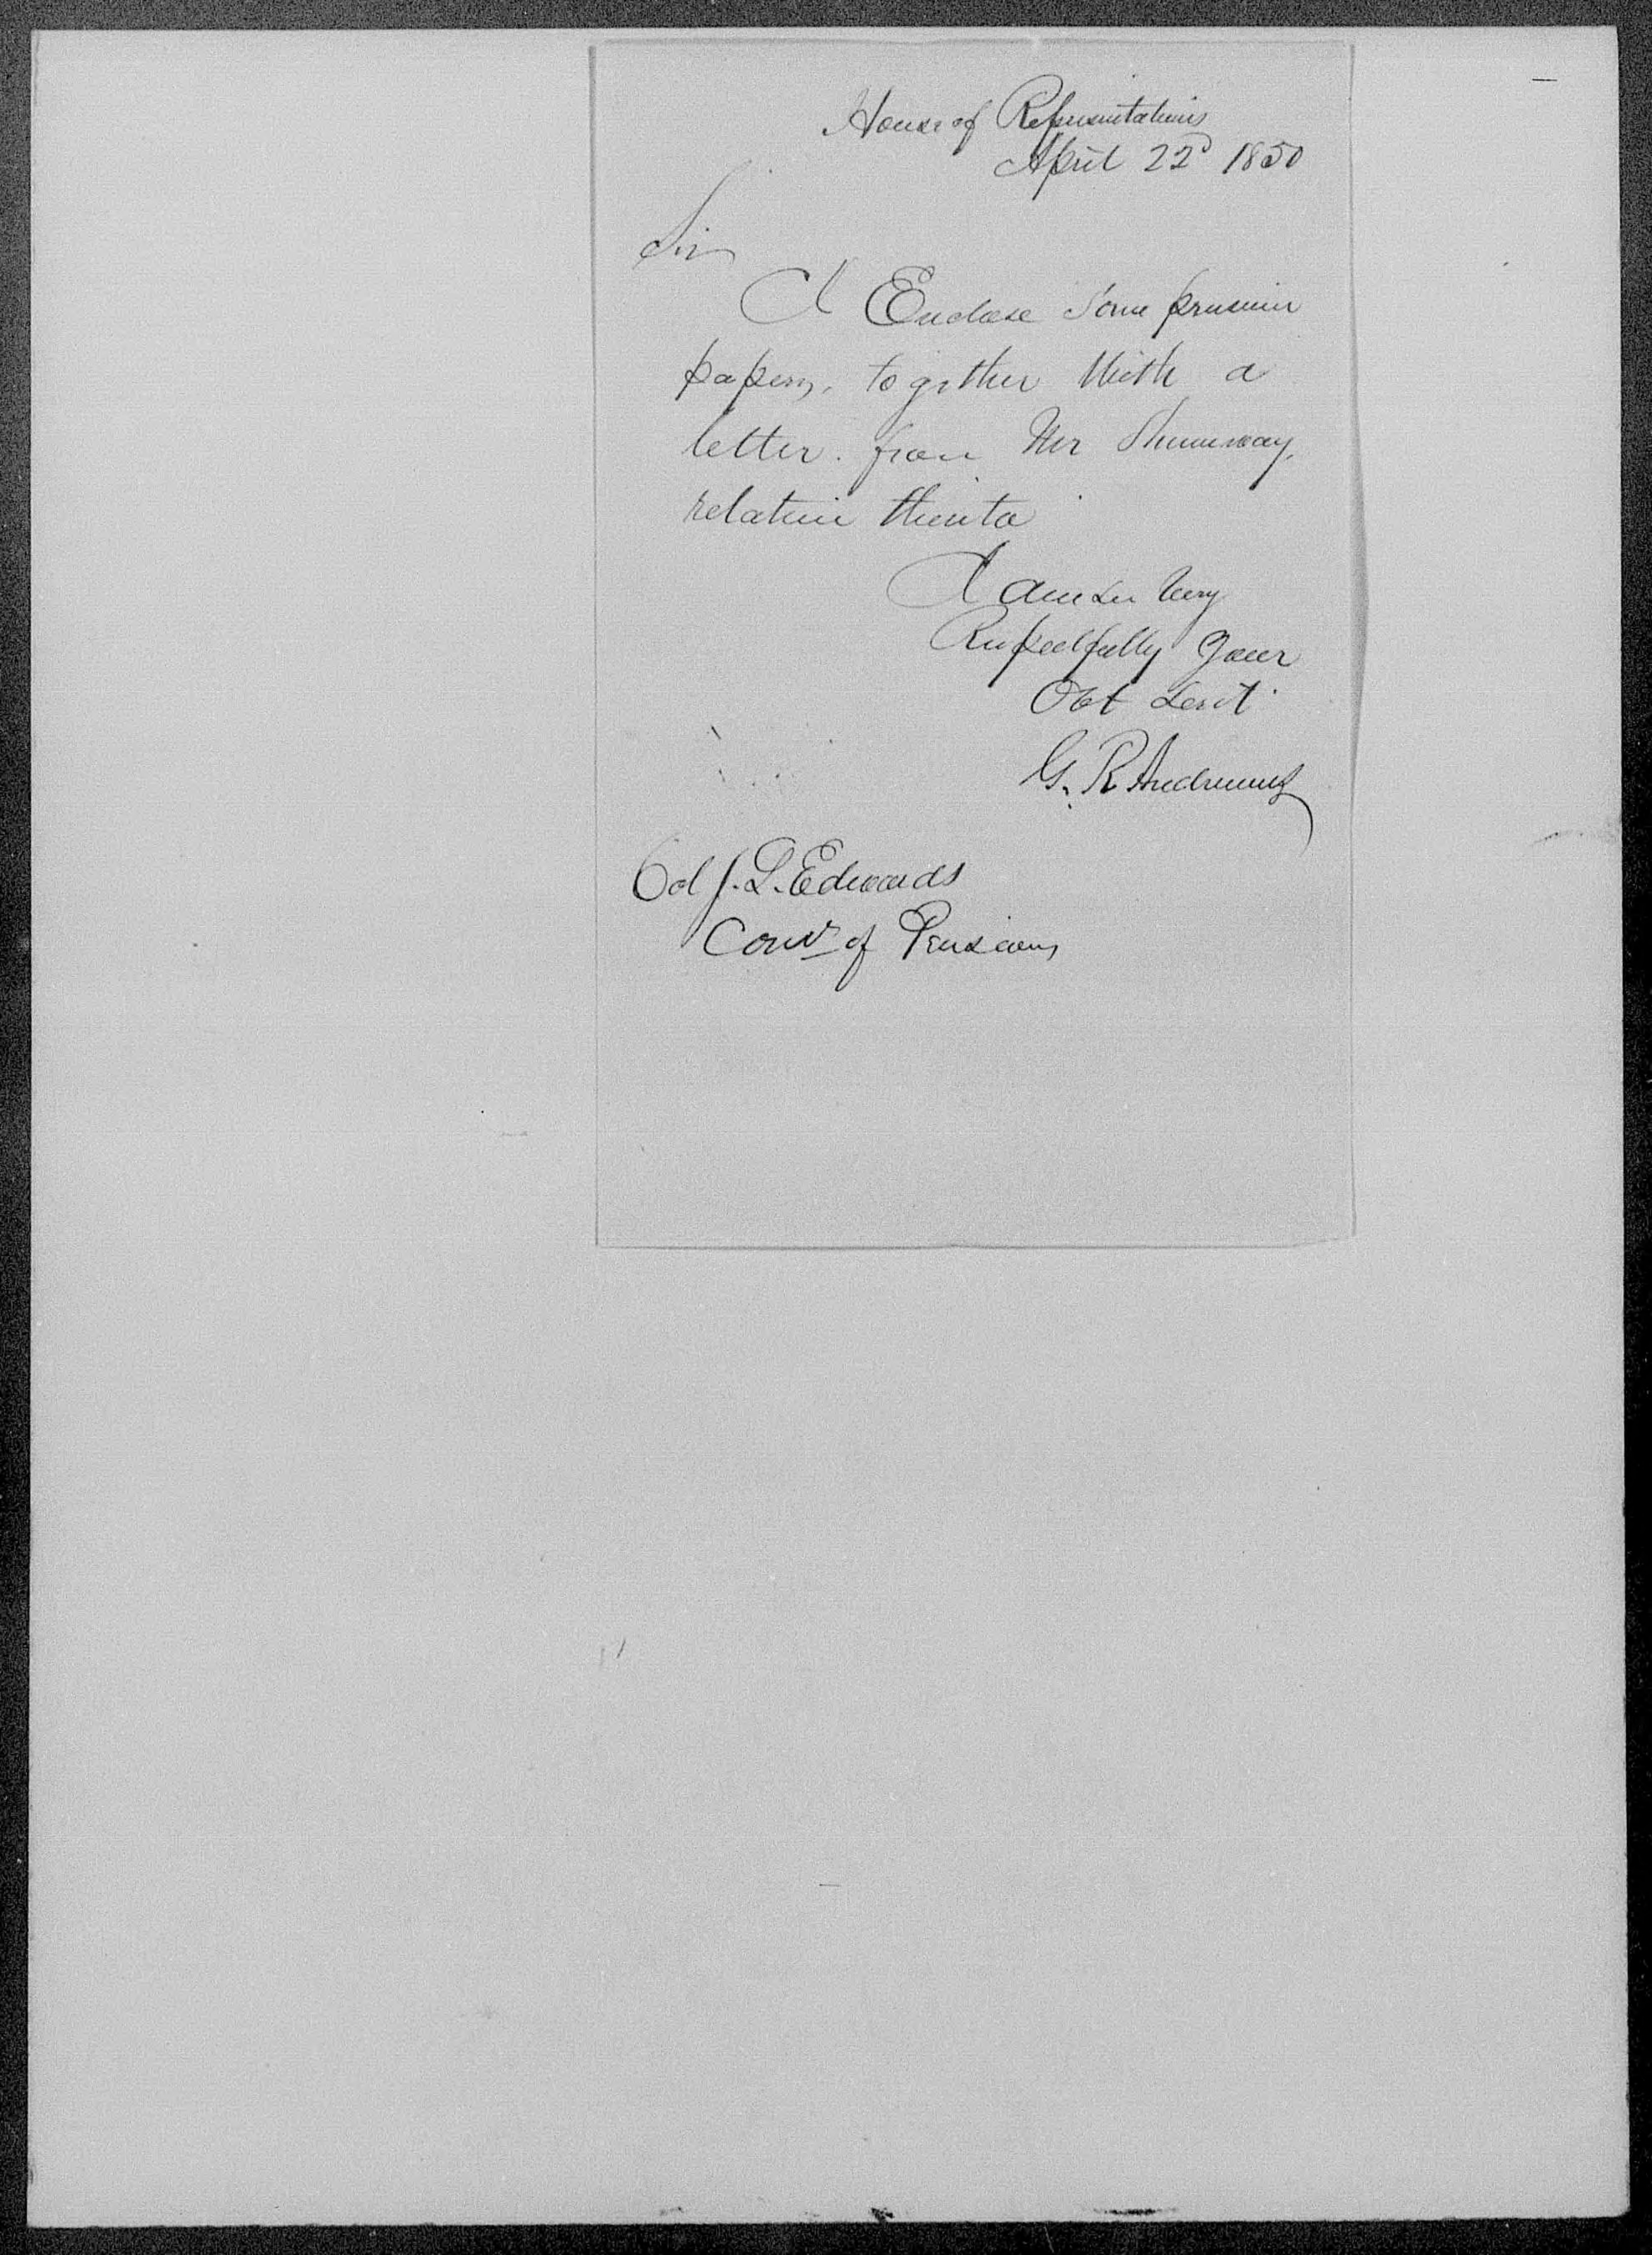House of Reputation April 22d 1850 
Sir
I Enclose some pension papers, together with a letter from Mr Shumway relative thereto 
I am very Repectfully 
Your Obt Svt 
G. R Andrews 
Col J. L. Edwards Com of Pensions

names: J L Edwards, G R Andrewus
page: 28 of 51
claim: widow's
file: W. 1698, Oliver Barker, Conn.